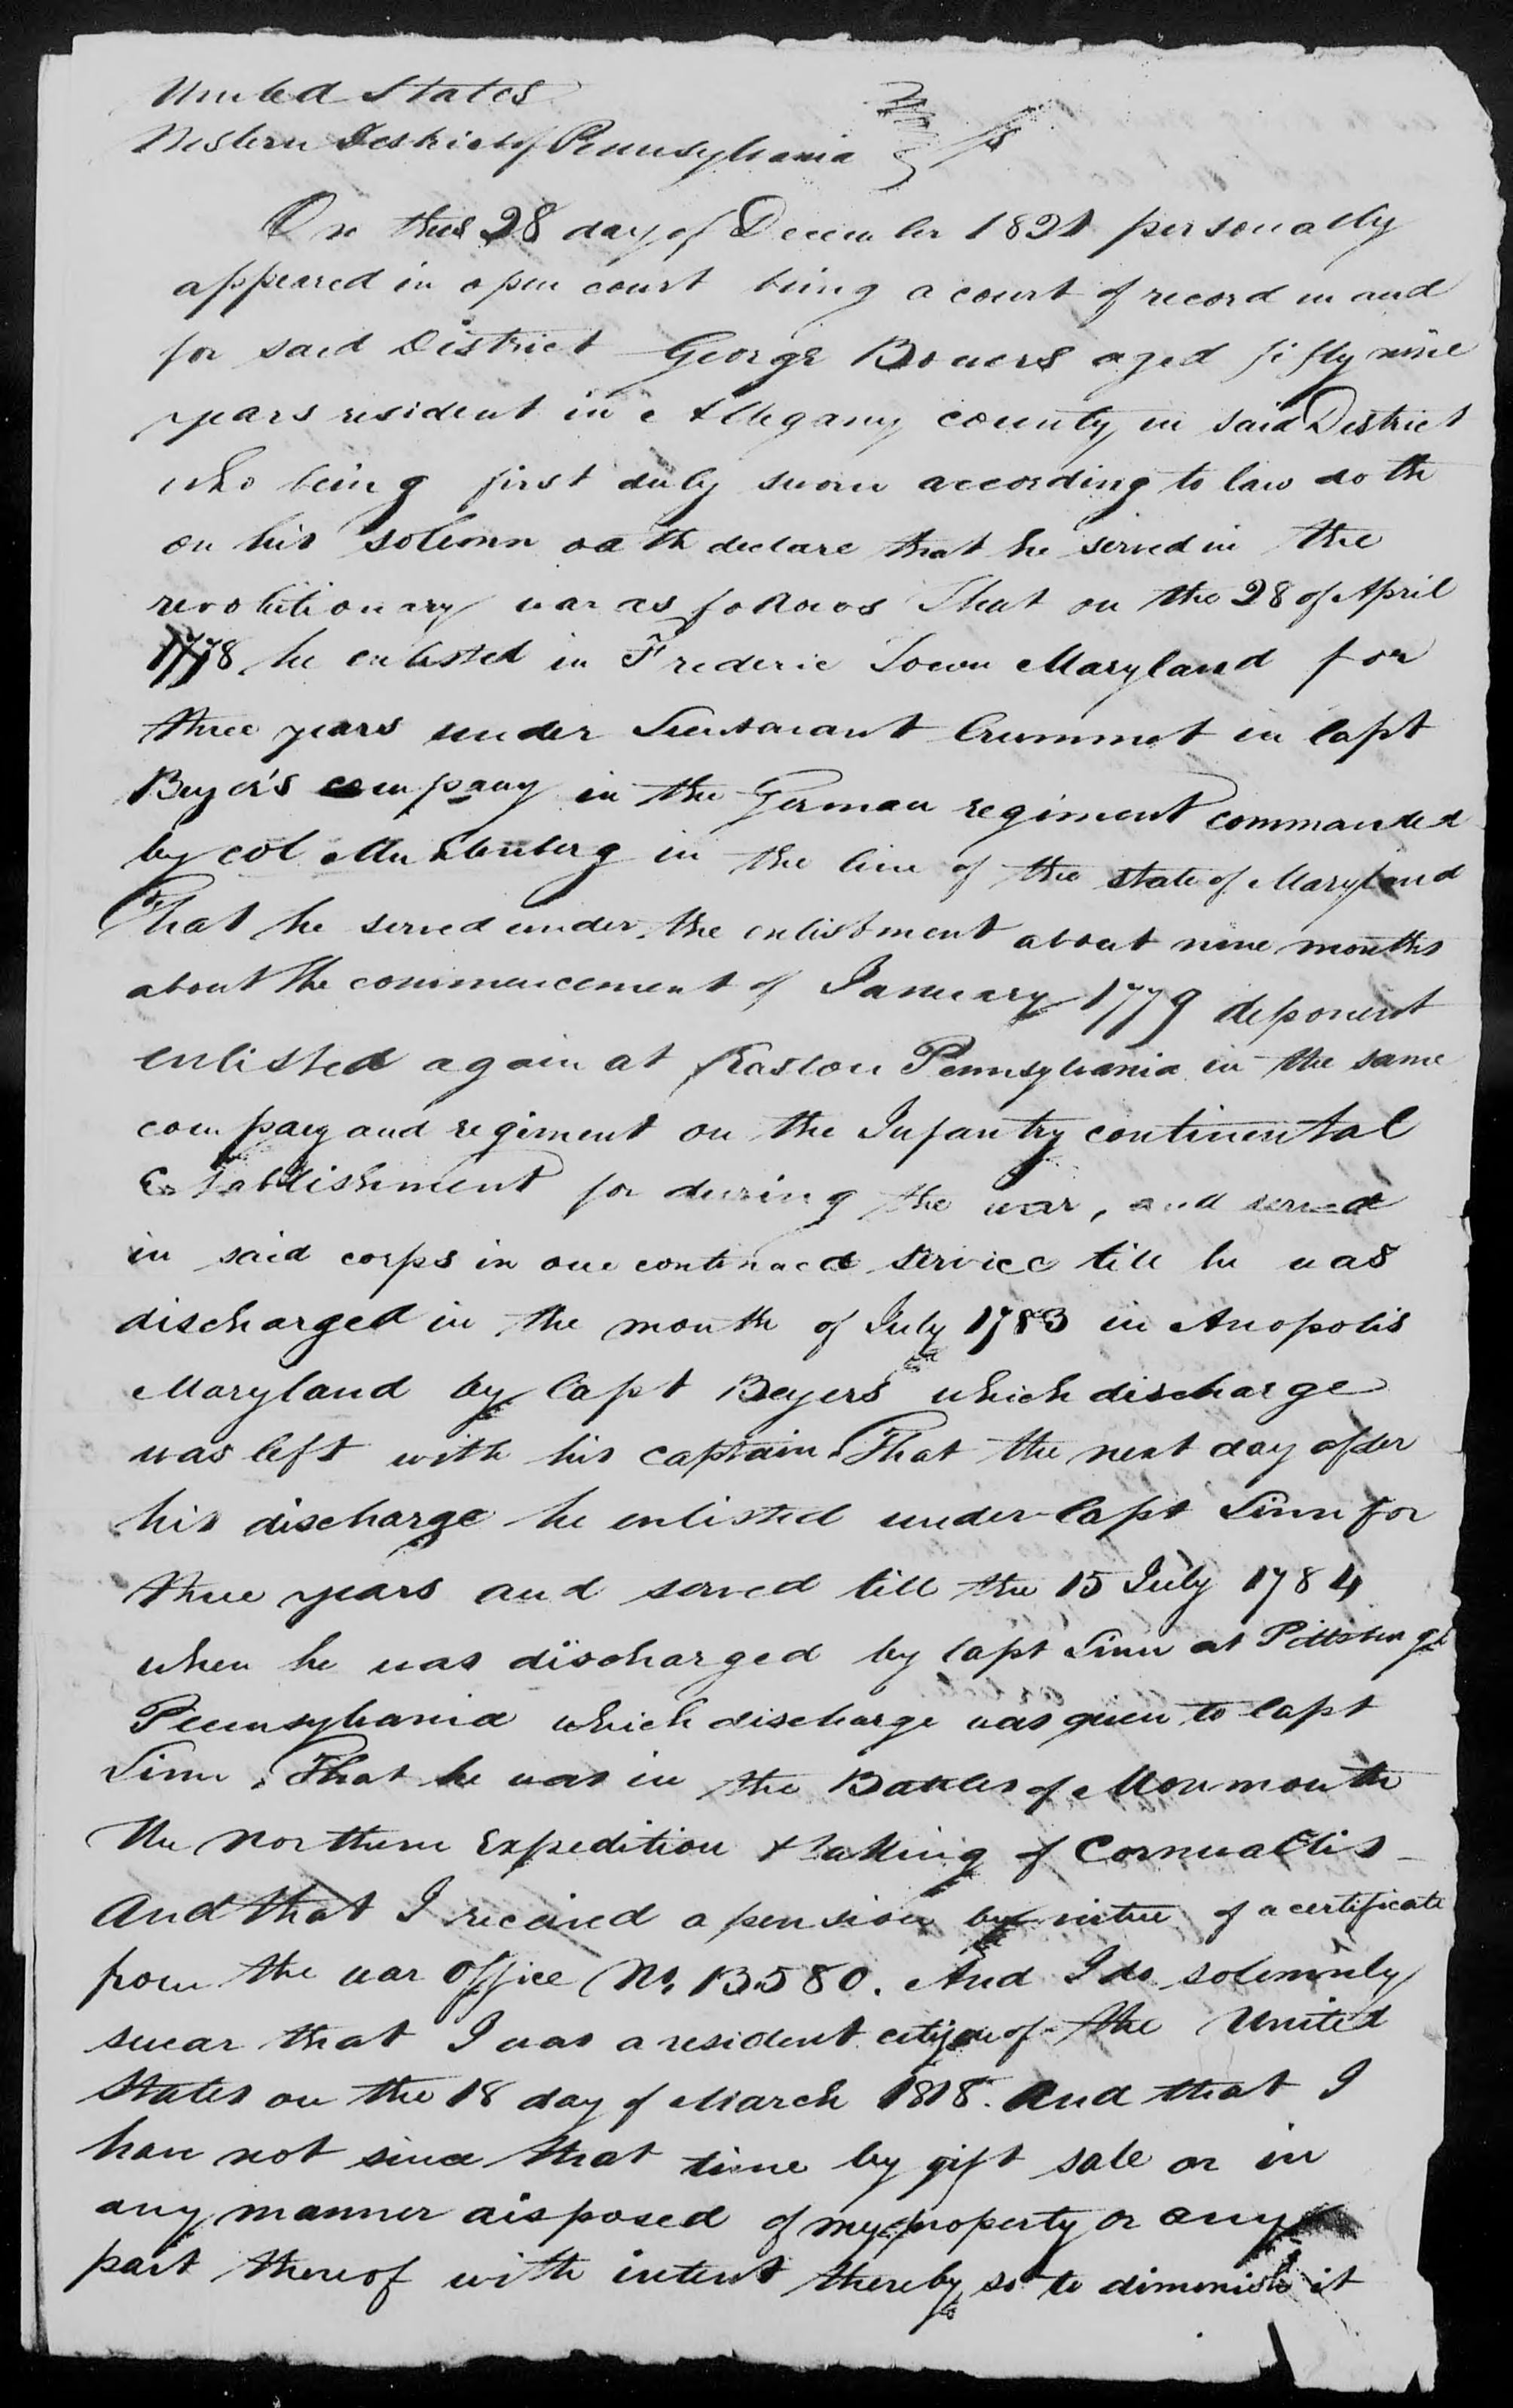[handwritten]
United States				}
Western District of Pennsylvania	}

On this 28 day of December 1821 personally appeared in open court being a court of record in and for said District George Bowers aged fifty nine years resident in Allegany County in said District who being first duly sworn according to las doth on his solemn oath declare that he served in the revolutionary war as follows  That the 28 of April 1778 he enlisted in Frederic Town Maryland for three years under Lieutanant Crummet in  Capt Beyer’s company in the German regiment commanded by Col Muhlenburg in the line of the state of Mayland  That he served under the enlistment about nine months about the commencement of January 1779 deponent enlisted again at Easton Pennsylvania in the same company and regiment on the Infantry Continental Establishment for during the war, and served in said corps in one continued service till he was discharged in the month of July 1783 in Anapolis Maryland by Capt Beyers which discharge was left with his captain  That the next day after his discharge he enlisted under Capt Linn for three years and served till the 15 July 1784 when he was discharged by Capt Linn at Pittsburg Pennsylvania  which discharge was give to Capt Linn.  That he was in the Battle of Monmouth the Northern Expedition & takin of Cornwallis and that I received a pension by virtue of a certificate from the war office No. 13580. And I do solemnly swear that I was a resident citizen of the United States on the 18 day of March 1818. And that I have not since that time by gift sale or in any manner disposed of my property or any part thereof with intent thereby so to diminish it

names: Linn, George Bowers, Linn, Linn, Beyers, Muhlenberg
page: 8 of 19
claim: survivor's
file: S. 40,018, George Bowers, Md